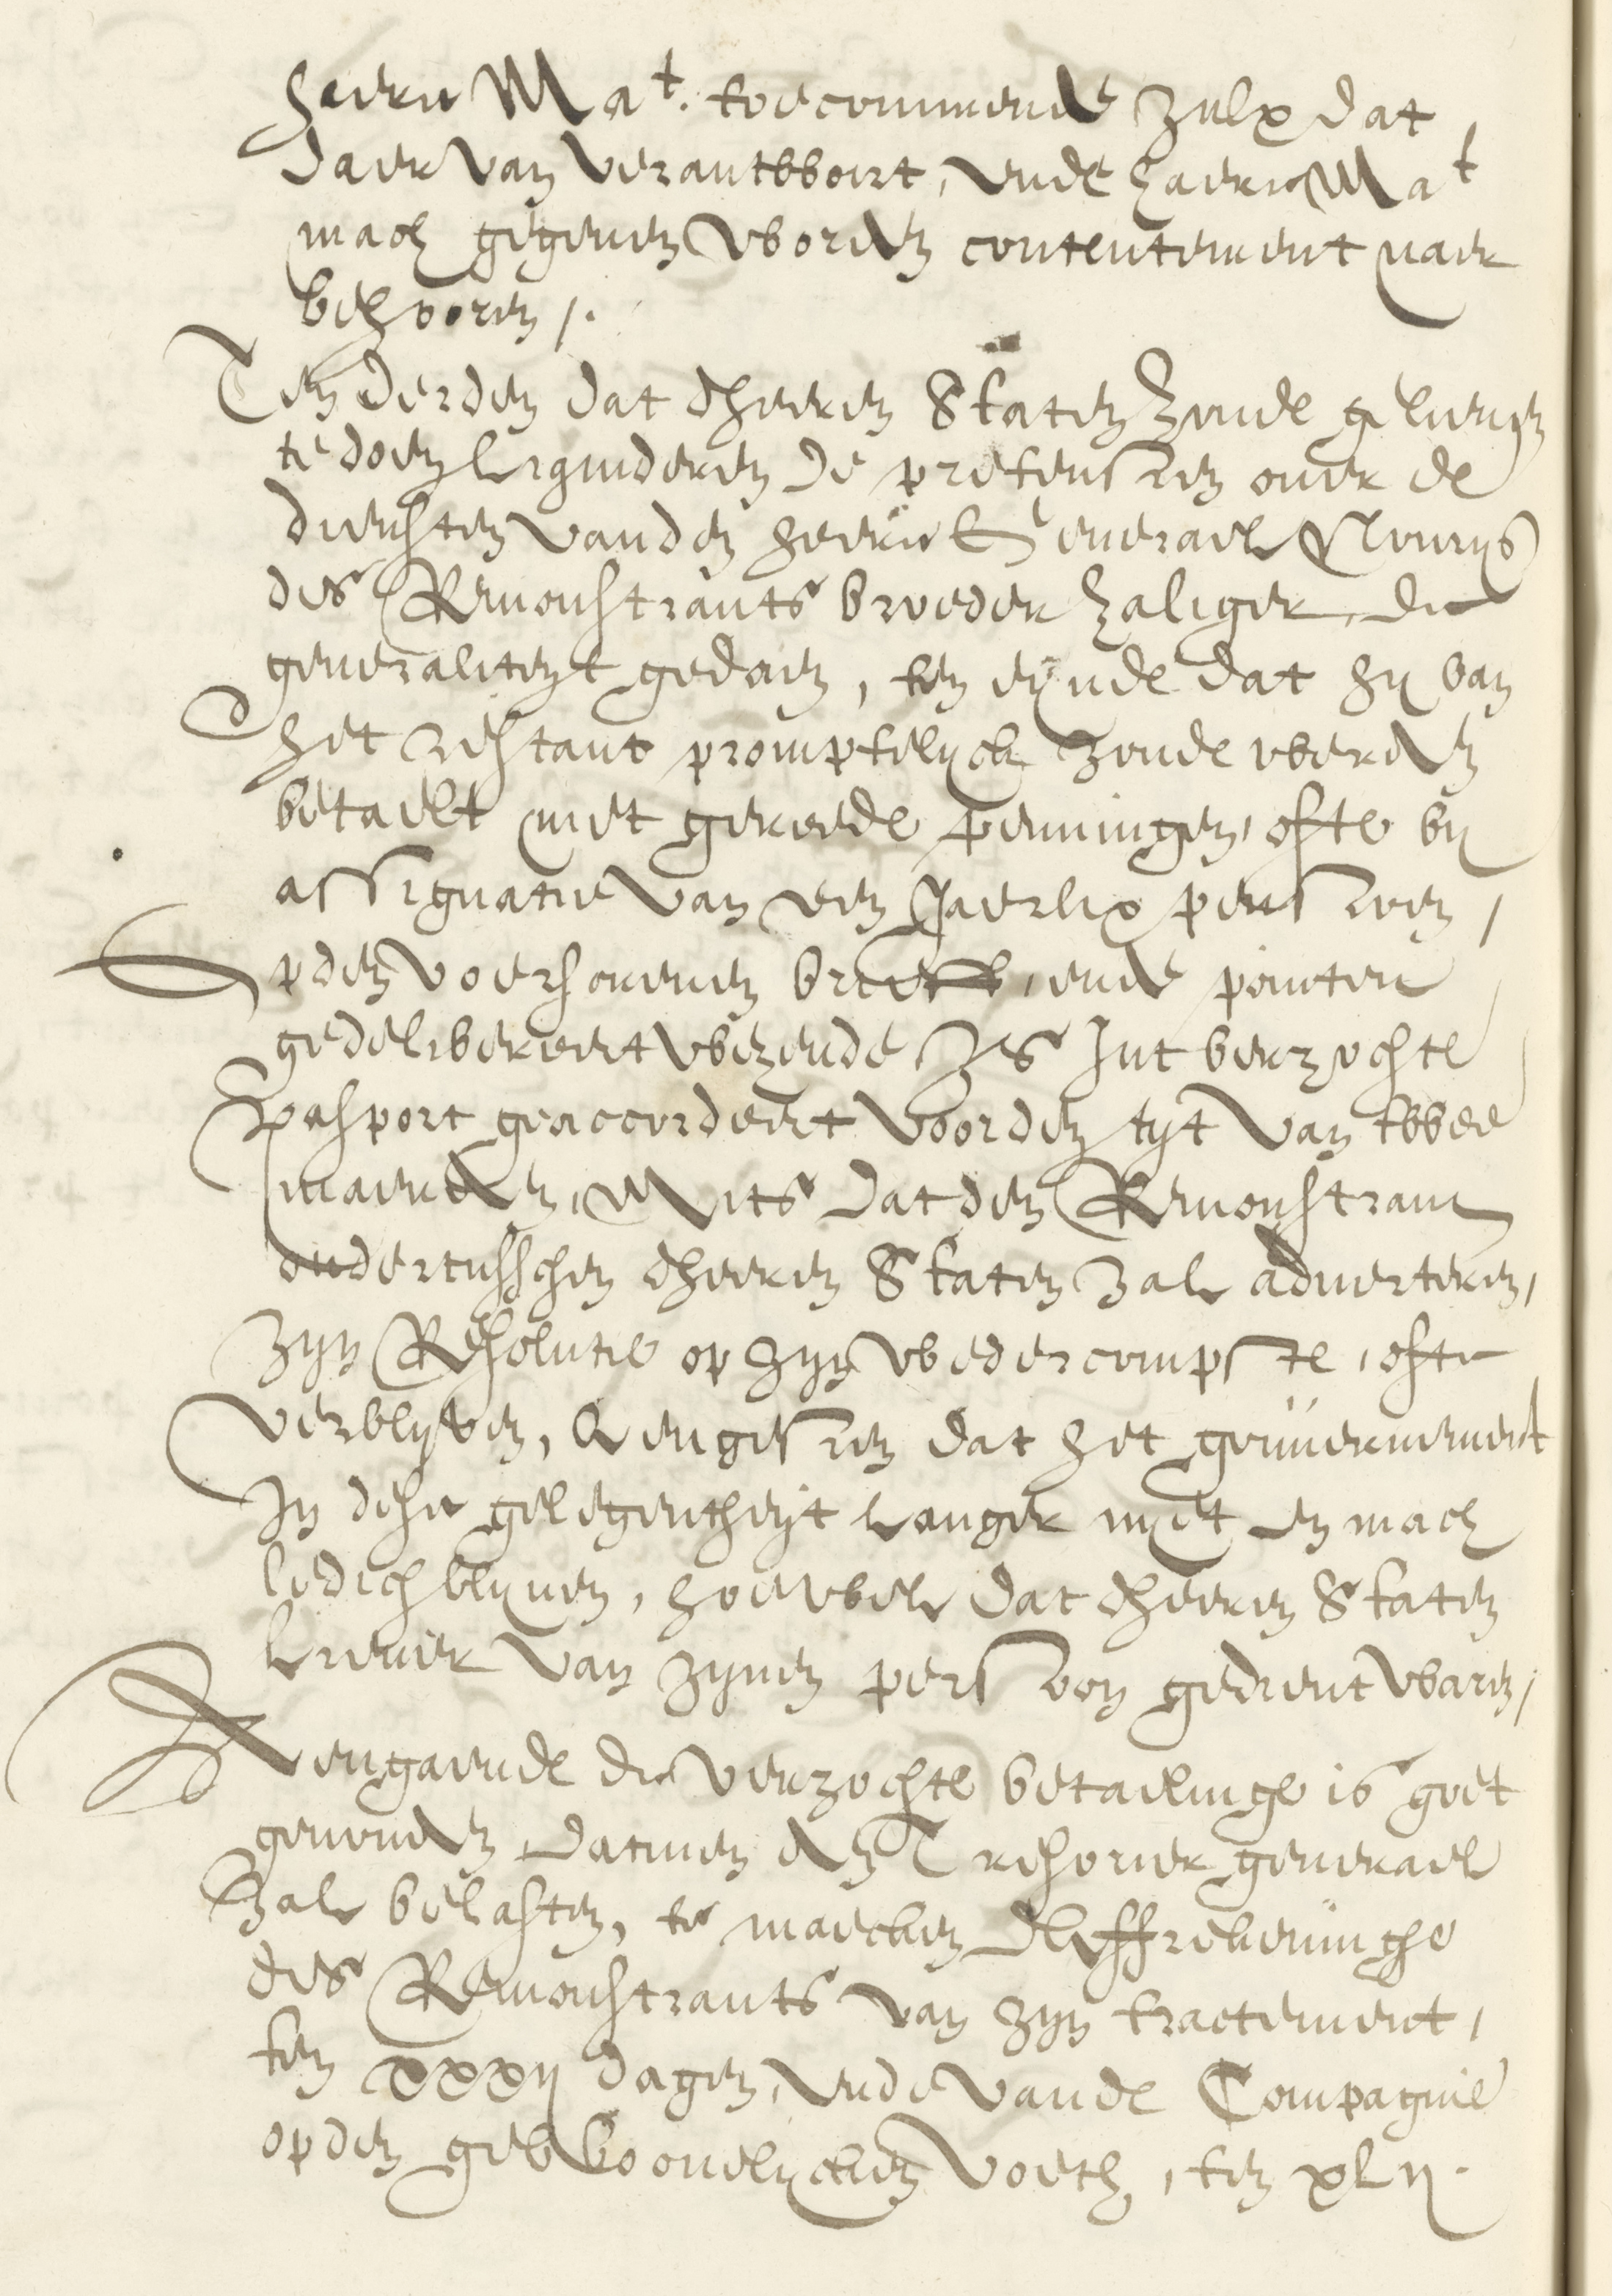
haere Mat. toecommende zulx dat
daer van verantwoirt, ende haere Mat.
mach gegeuen worden contentement naer
behooren.
Ten derden dat dheeren Staten zoude gelieuen
te doen liquideren de pretensien ouer de
diensten vanden heere Generael Nourys
des Remonstrants broeder zaliger, de
generaliteyt gedaen, ten eynde dat hy van
het restant promptelyck zoude werden
betaelt met gereede penningen, ofte by
assignatie van een Jaerlix pensioen.
Opden voerscreuen brieff, ende pointen
gedelibereert wezende Is int verzochte
pasport geaccordeert voorden tyt van twee
maenden, mits dat den Remonstrant
ondertusschen dheeren Staten zal aduerteren,
zyn Resolutie op zyn wedencompste, ofte
verblyven, aengesien dat het gouuernement
in dese gelegentheijt langer nyet en mach
ledich blyven, hoewel dat dheeren Staten
liever van zynen persoon gedient waren;
Aengaende de verzochte betaelinge is goet
geuonden, datmen den Tresorier genenael
zal belasten, te maecken daffrekeninghe
des Remonstrants van zijn tractement,
ten xxxij dagen, ende vande Compagnie
opden gewoonelycken voeth, ten xlij.
